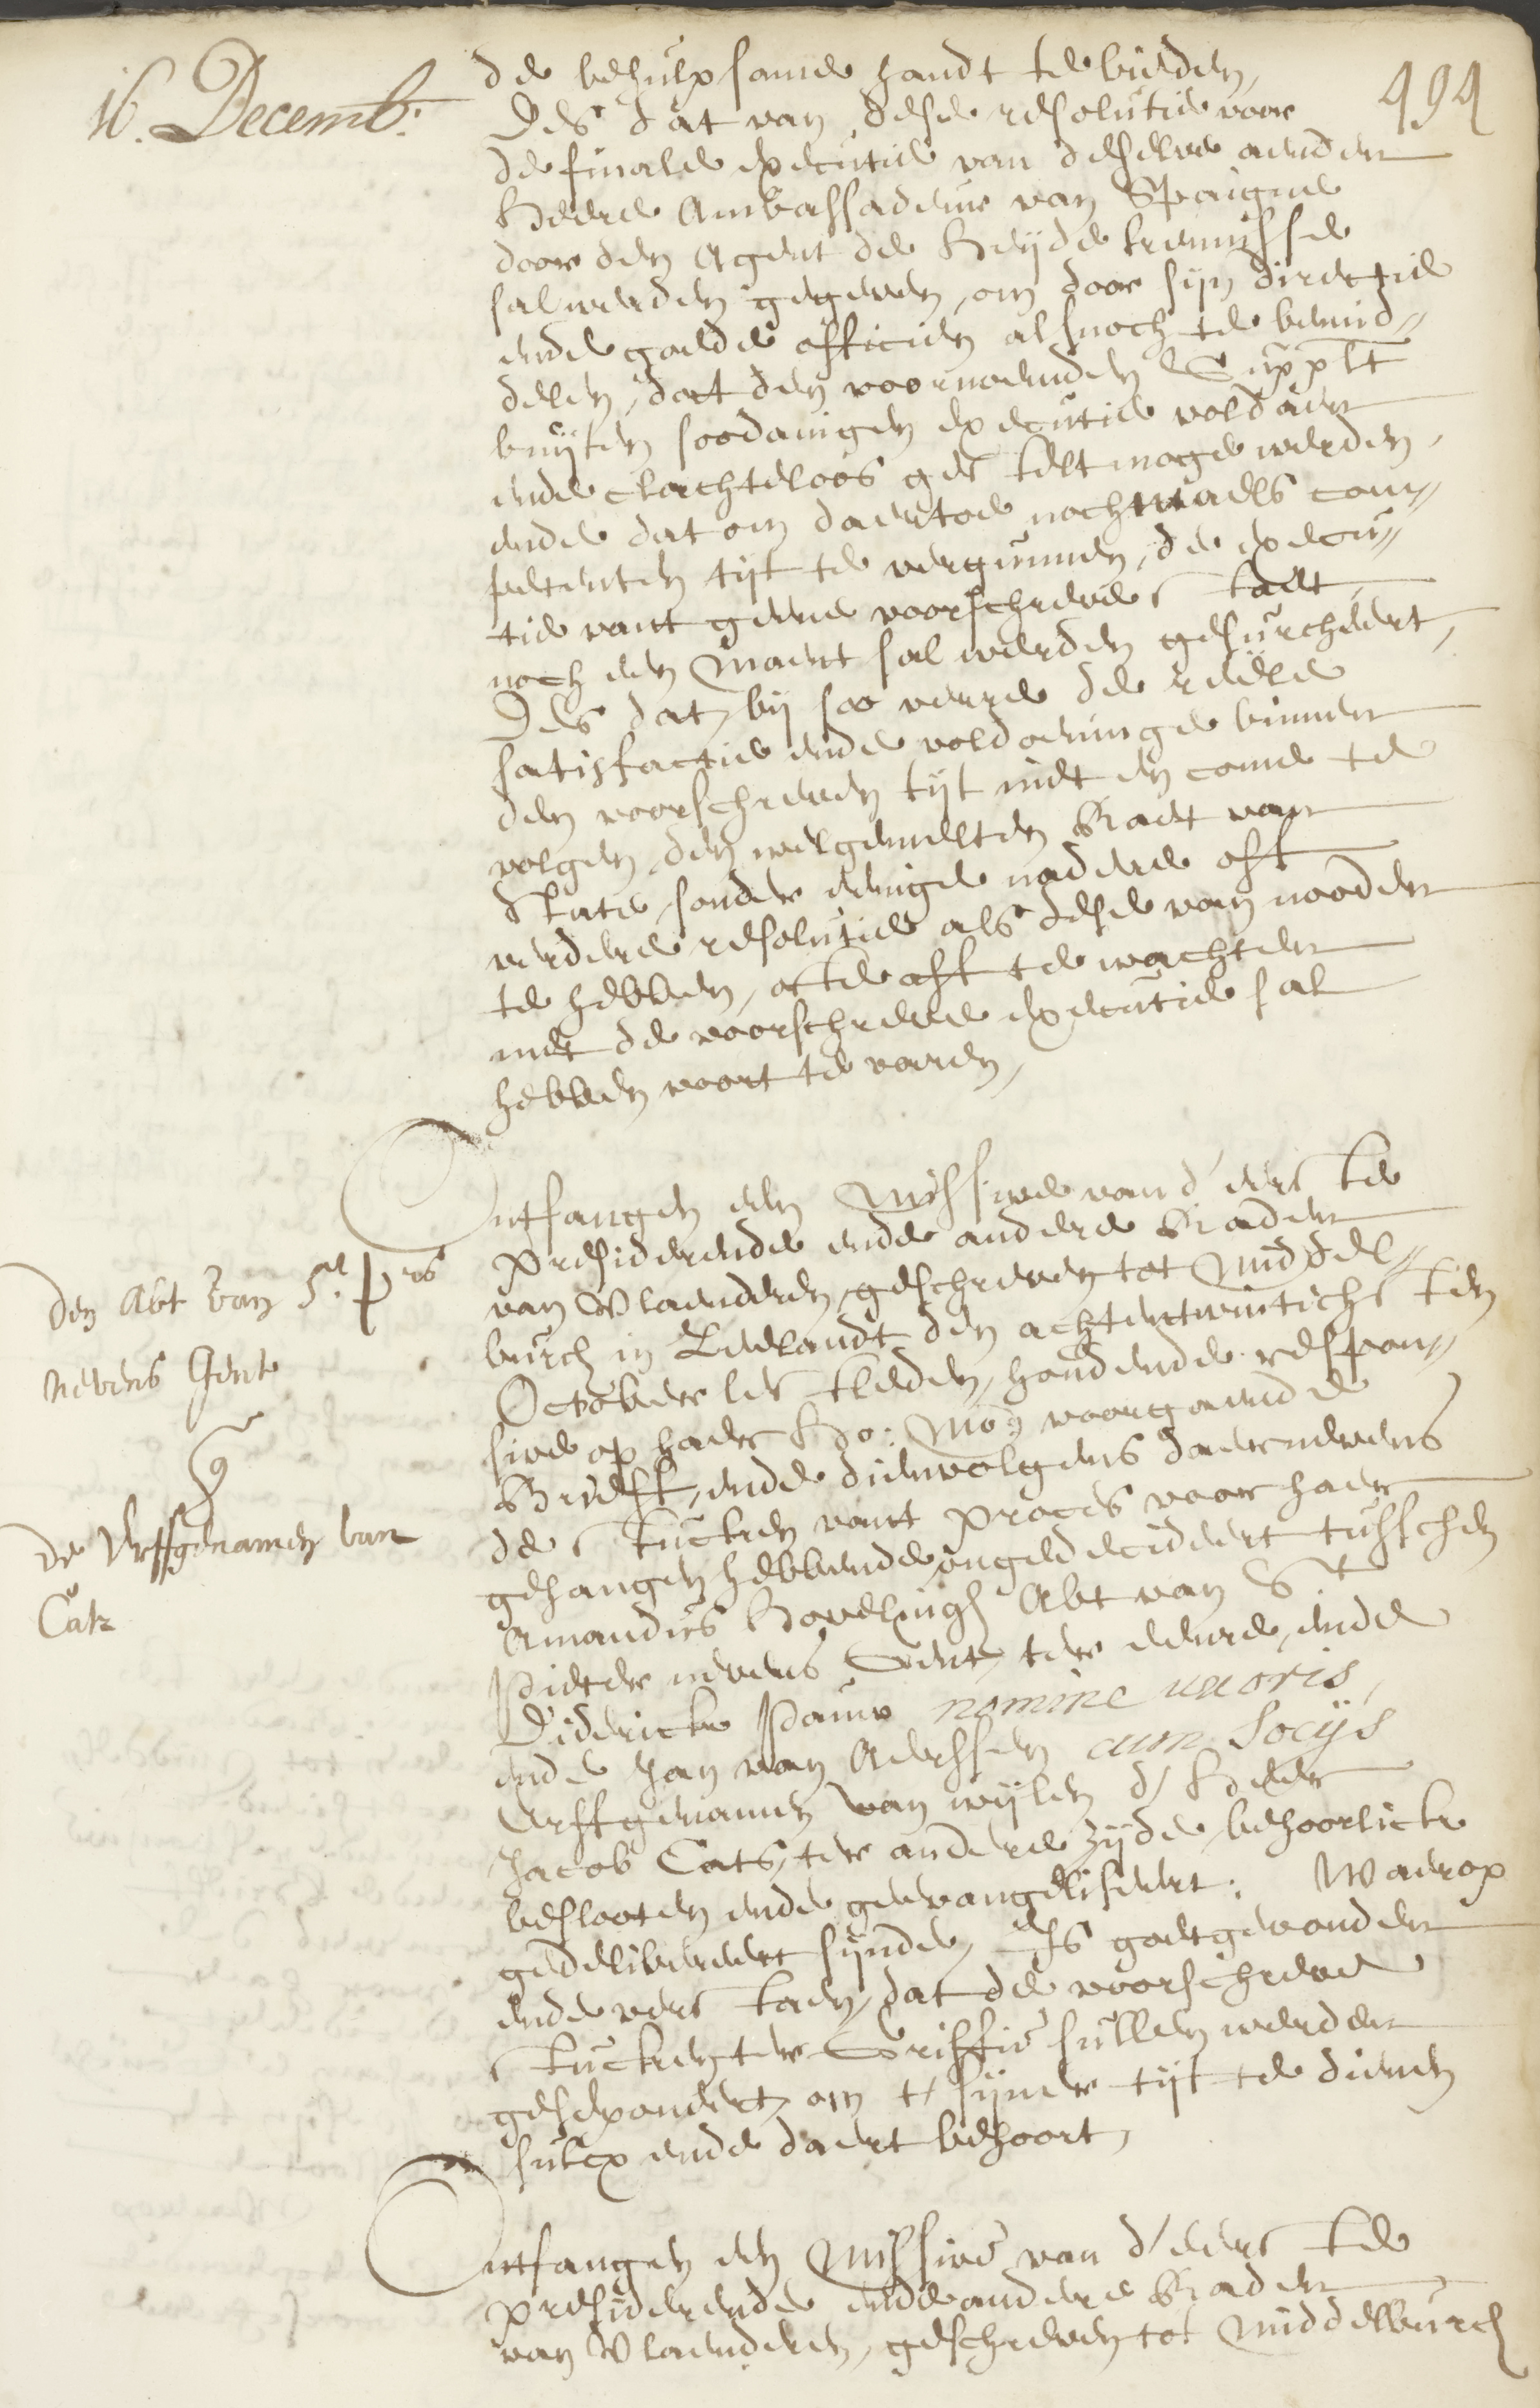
494
16. Decemb:
de behulpsame handt te bieden.
Des dat van dese resolutie voor
de finale executie van deselve aenden
Heere Ambassadeur van Spaigne
door den Agent de Heijde kennisse
sal werden gegeven, om door sijn directie
ende goede officien alsnoch te bemid„
delen, dat den voornoemden Supplt
buijten soodanigen executie voldaen
ende clachteloos gestelt moge werden,
ende dat om daertoe nochmaels com„
petenten tijt te vergunnen, de execu„
tie vant geene voorschreve staet,
noch een maent sal werden gesurcheert.
Des dat bij soo verre de reele
satisfactie ende voldoeninge binnen
den voorschreven tijt niet en come te
volgen, den welgemelten Raet van
State, sonder eenige nadere off
verdere resolutie als dese van nooden
te hebben, ofte aff te wachten
met de voorschreve executie sal
hebben voort te varen.
den Abt van St. Prs
nevens Gent
ca.
de Erffgenamen van
Catz
Ontfangen een Missive van d‛eerste
presiderende ende andere Raden
van Vlaenderen, geschreven tot Middel„
burch in Zeelandt den achtentwintichsten
October lestleden, houdende respon„
sive op haer Ho:Mo: voorgaende
Brieff, ende dienvolgens daernevens
de stucken vant proces voor haer
gehangen hebbende ongedecideert tusschen
Amandus Hovelingh Abt van St.
Pieter nevens Gent, ter eenre, ende
Diderick Pauw nomine uxoris,
ende Jan van Aerssen cum socijs
Erffgenamen van wijlen d'Heer
Jacob Cats, ter andere zijde, behoorlick
beslooten ende geevangeliseert: Waerop
gedelibereert sijnde, Is goetgevonden
ende verstaen, dat de voorschreve
stucken ter Griffie sullen werden
geseponeert, om t' sijner tijt te dienen
sulcx ende daert behoort.
Ontfangen een Missive van d‛eerste
presiderende ende andere Raden
van Vlaenderen, geschreven tot Middelburch
